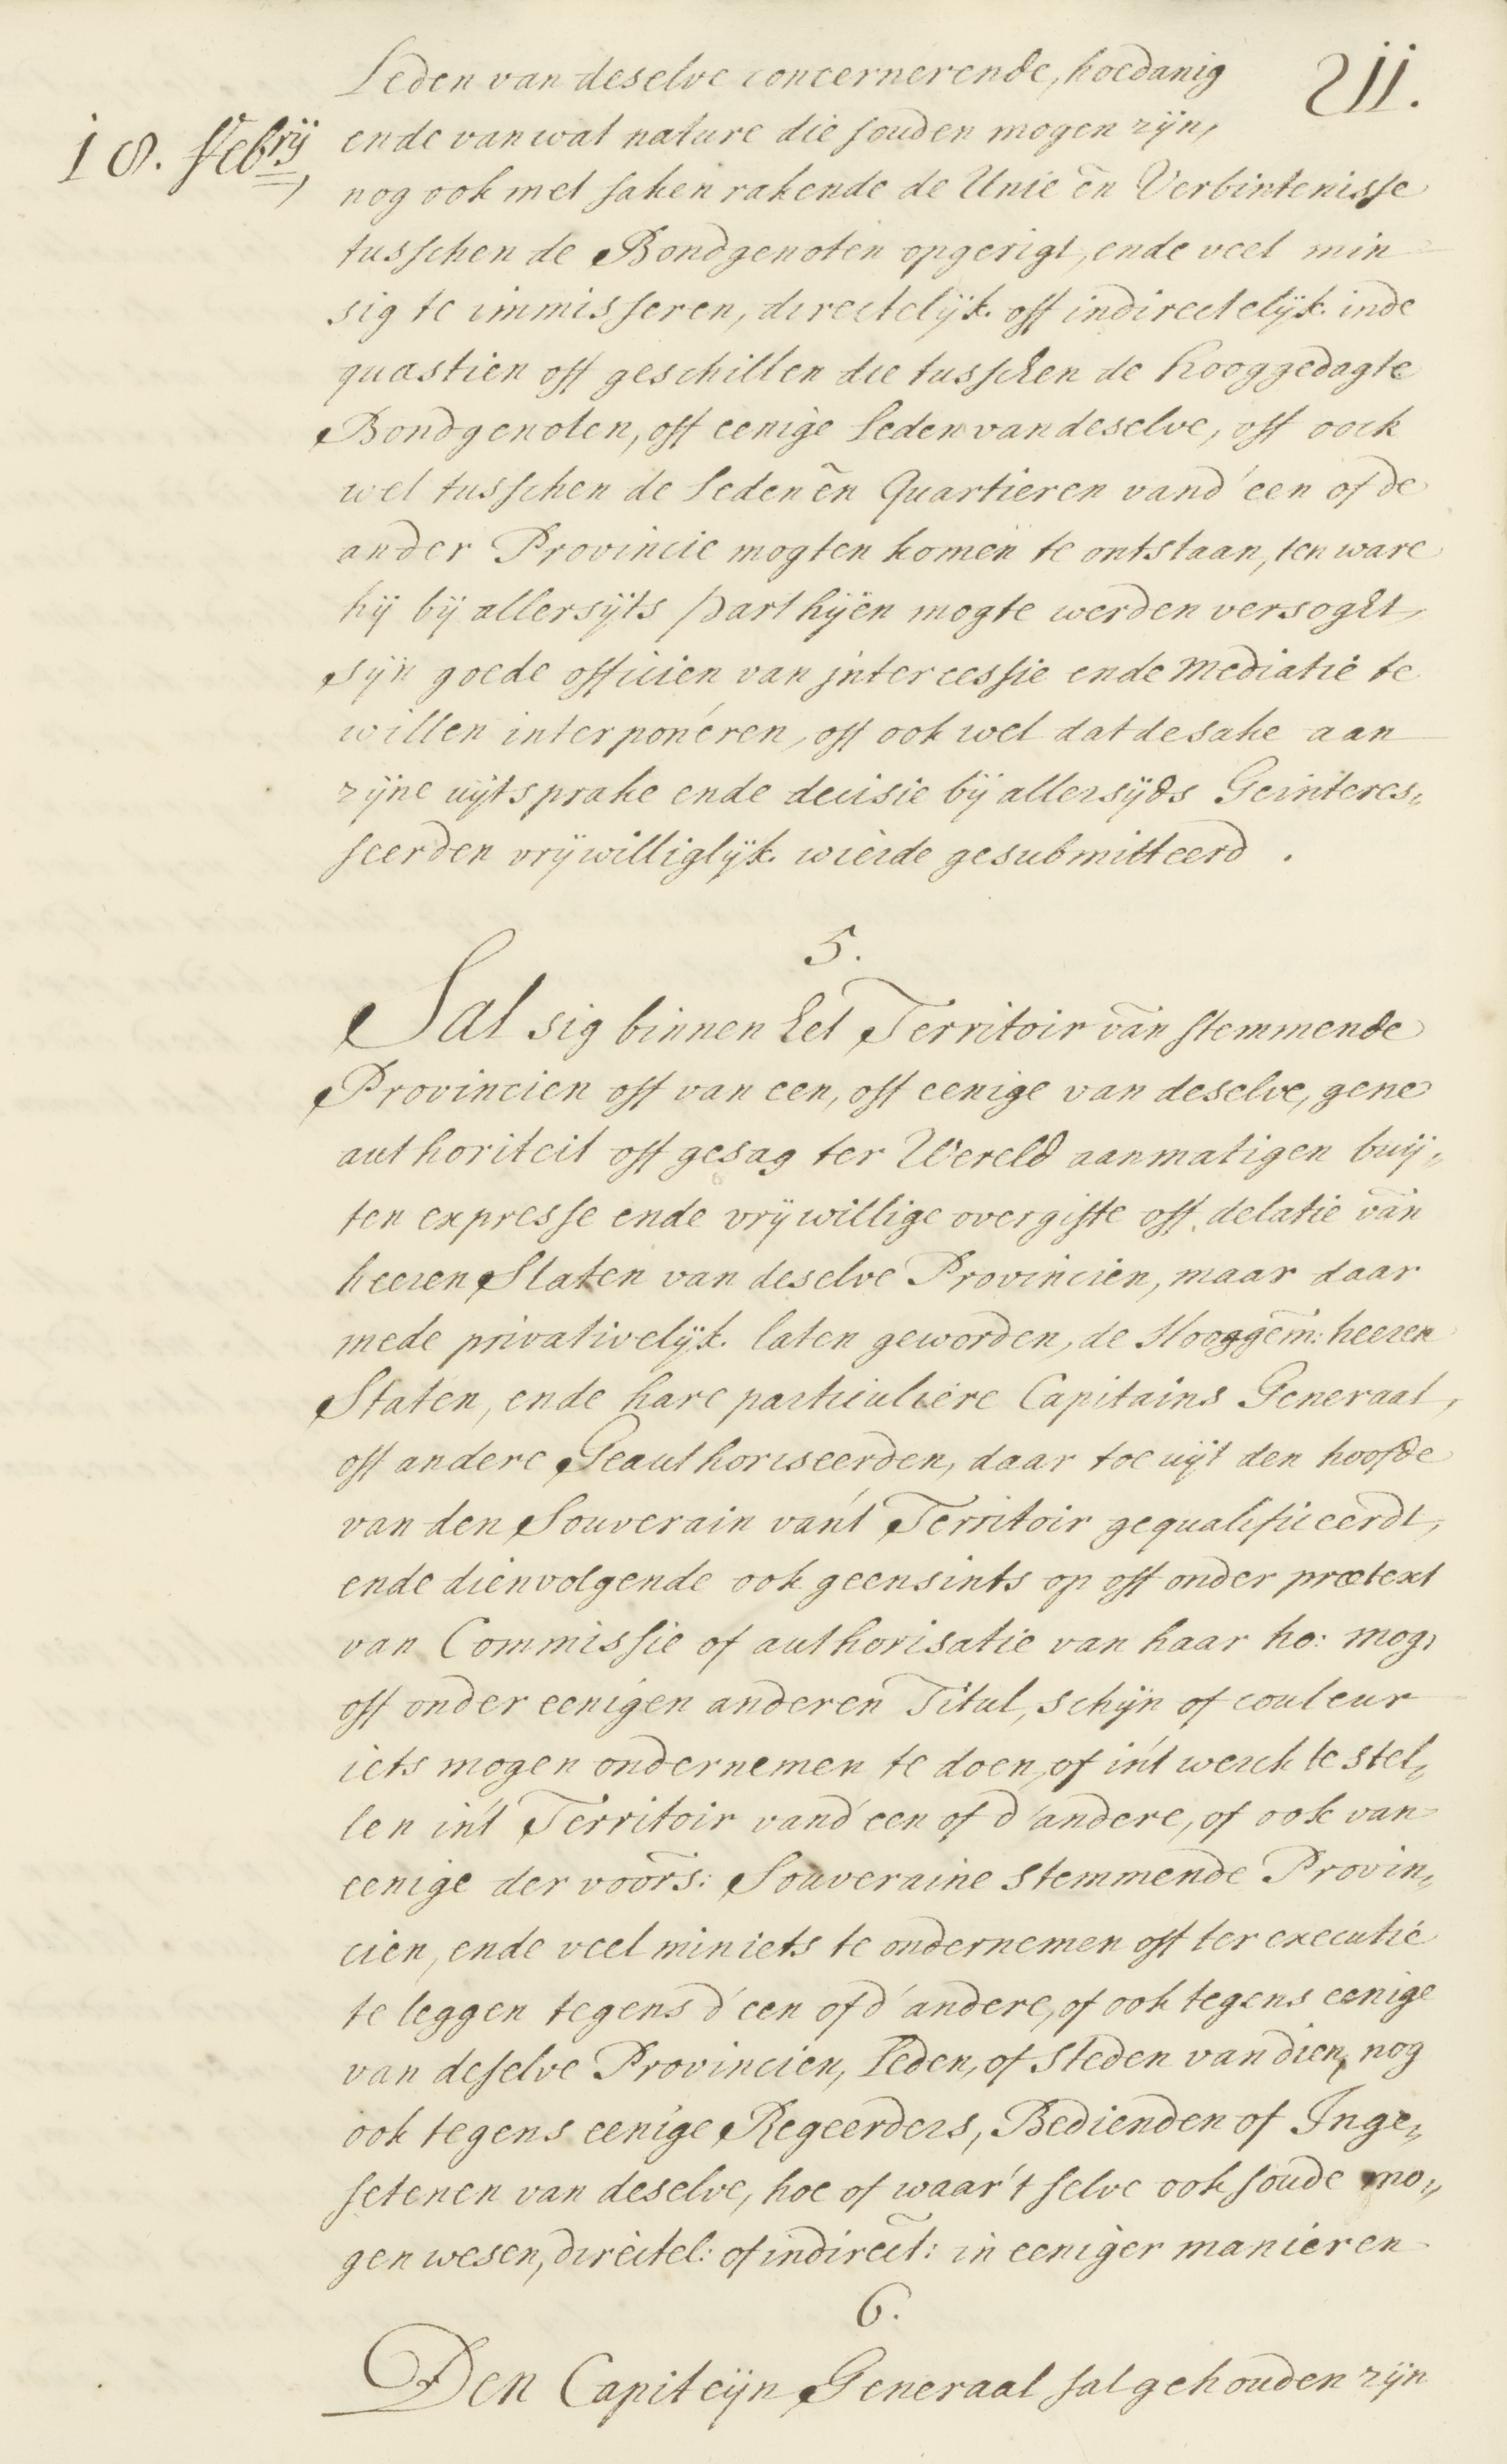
211.
18. Febrij.
leden van deselve concernerende, hoedanig
ende van wat nature die souden mogen zijn,
nog ook met saken rakende de Unie en Verbintenisse
tusschen de Bondgenoten opgerigt, ende veel min
sig te immisseren, directelijk oft indircetelijk inde
quastien off geschillen die tusschen de hooggedagte
Bondgenoten, off eenige leden van deselve, off oock
wel tusschen de leden en quartieren vand'een of de
ander Provincie mogten komen te ontstaan, ten ware
hij bij allersijts parthijen mogte werden versoght,
sijn goede officien van intercessie ende mediatie te
willen interponeren, off ook wel dat de sake aan
zijne uijtsprake ende decisie bij allersijds Geinteres,,
seerden vrijwilliglijk wierde gesubmitteerd.
5.
Sal sig binnen het territoir van stemmende
Provincien off van een, off eenige van deselve, gene
authoriteit oft gesag ter Wereld aanmatigen buij„
ten expresse ende vrijwillige overgifte oft delatie van
heeren Staten van deselve Provincien, maar daar
mede privativelijk laten geworden, de Hooggem: heeren
Staten, ende hare particuliere Capitains Generaal,
off andere Geauthoriseerden, daar toe uijt den hoofde
van den Souverain van't Territoir gequaliticeerdt,
ende dienvolgende ook geensints op off onder pretext
van Commissie of authorisatie van haar ho: mog:
off onder eenigen anderen Titul, schijn of conteur
iets mogen ondernemen te doen, of in't werck te stel„
len in't Territoir vand'een of d'andere, of ook van
eenige der voors: souveraine stemmende Provin,,
cien, ende veel miniets te ondermemen off ter executie
te leggen tegens d'een ofd'andere, of ook tegens eenige
van deselve Provincien, leden, of steden van dien, nog
ook tegens eenige Regeerders, Bedienden of inge,,
setenen van deselve, hoe of waar 't selve ook soude mo,,
gen wesen directel: of indirect: in eeniger manieren
6.
Den Capiteijn Generaal sal gehouden zijn
